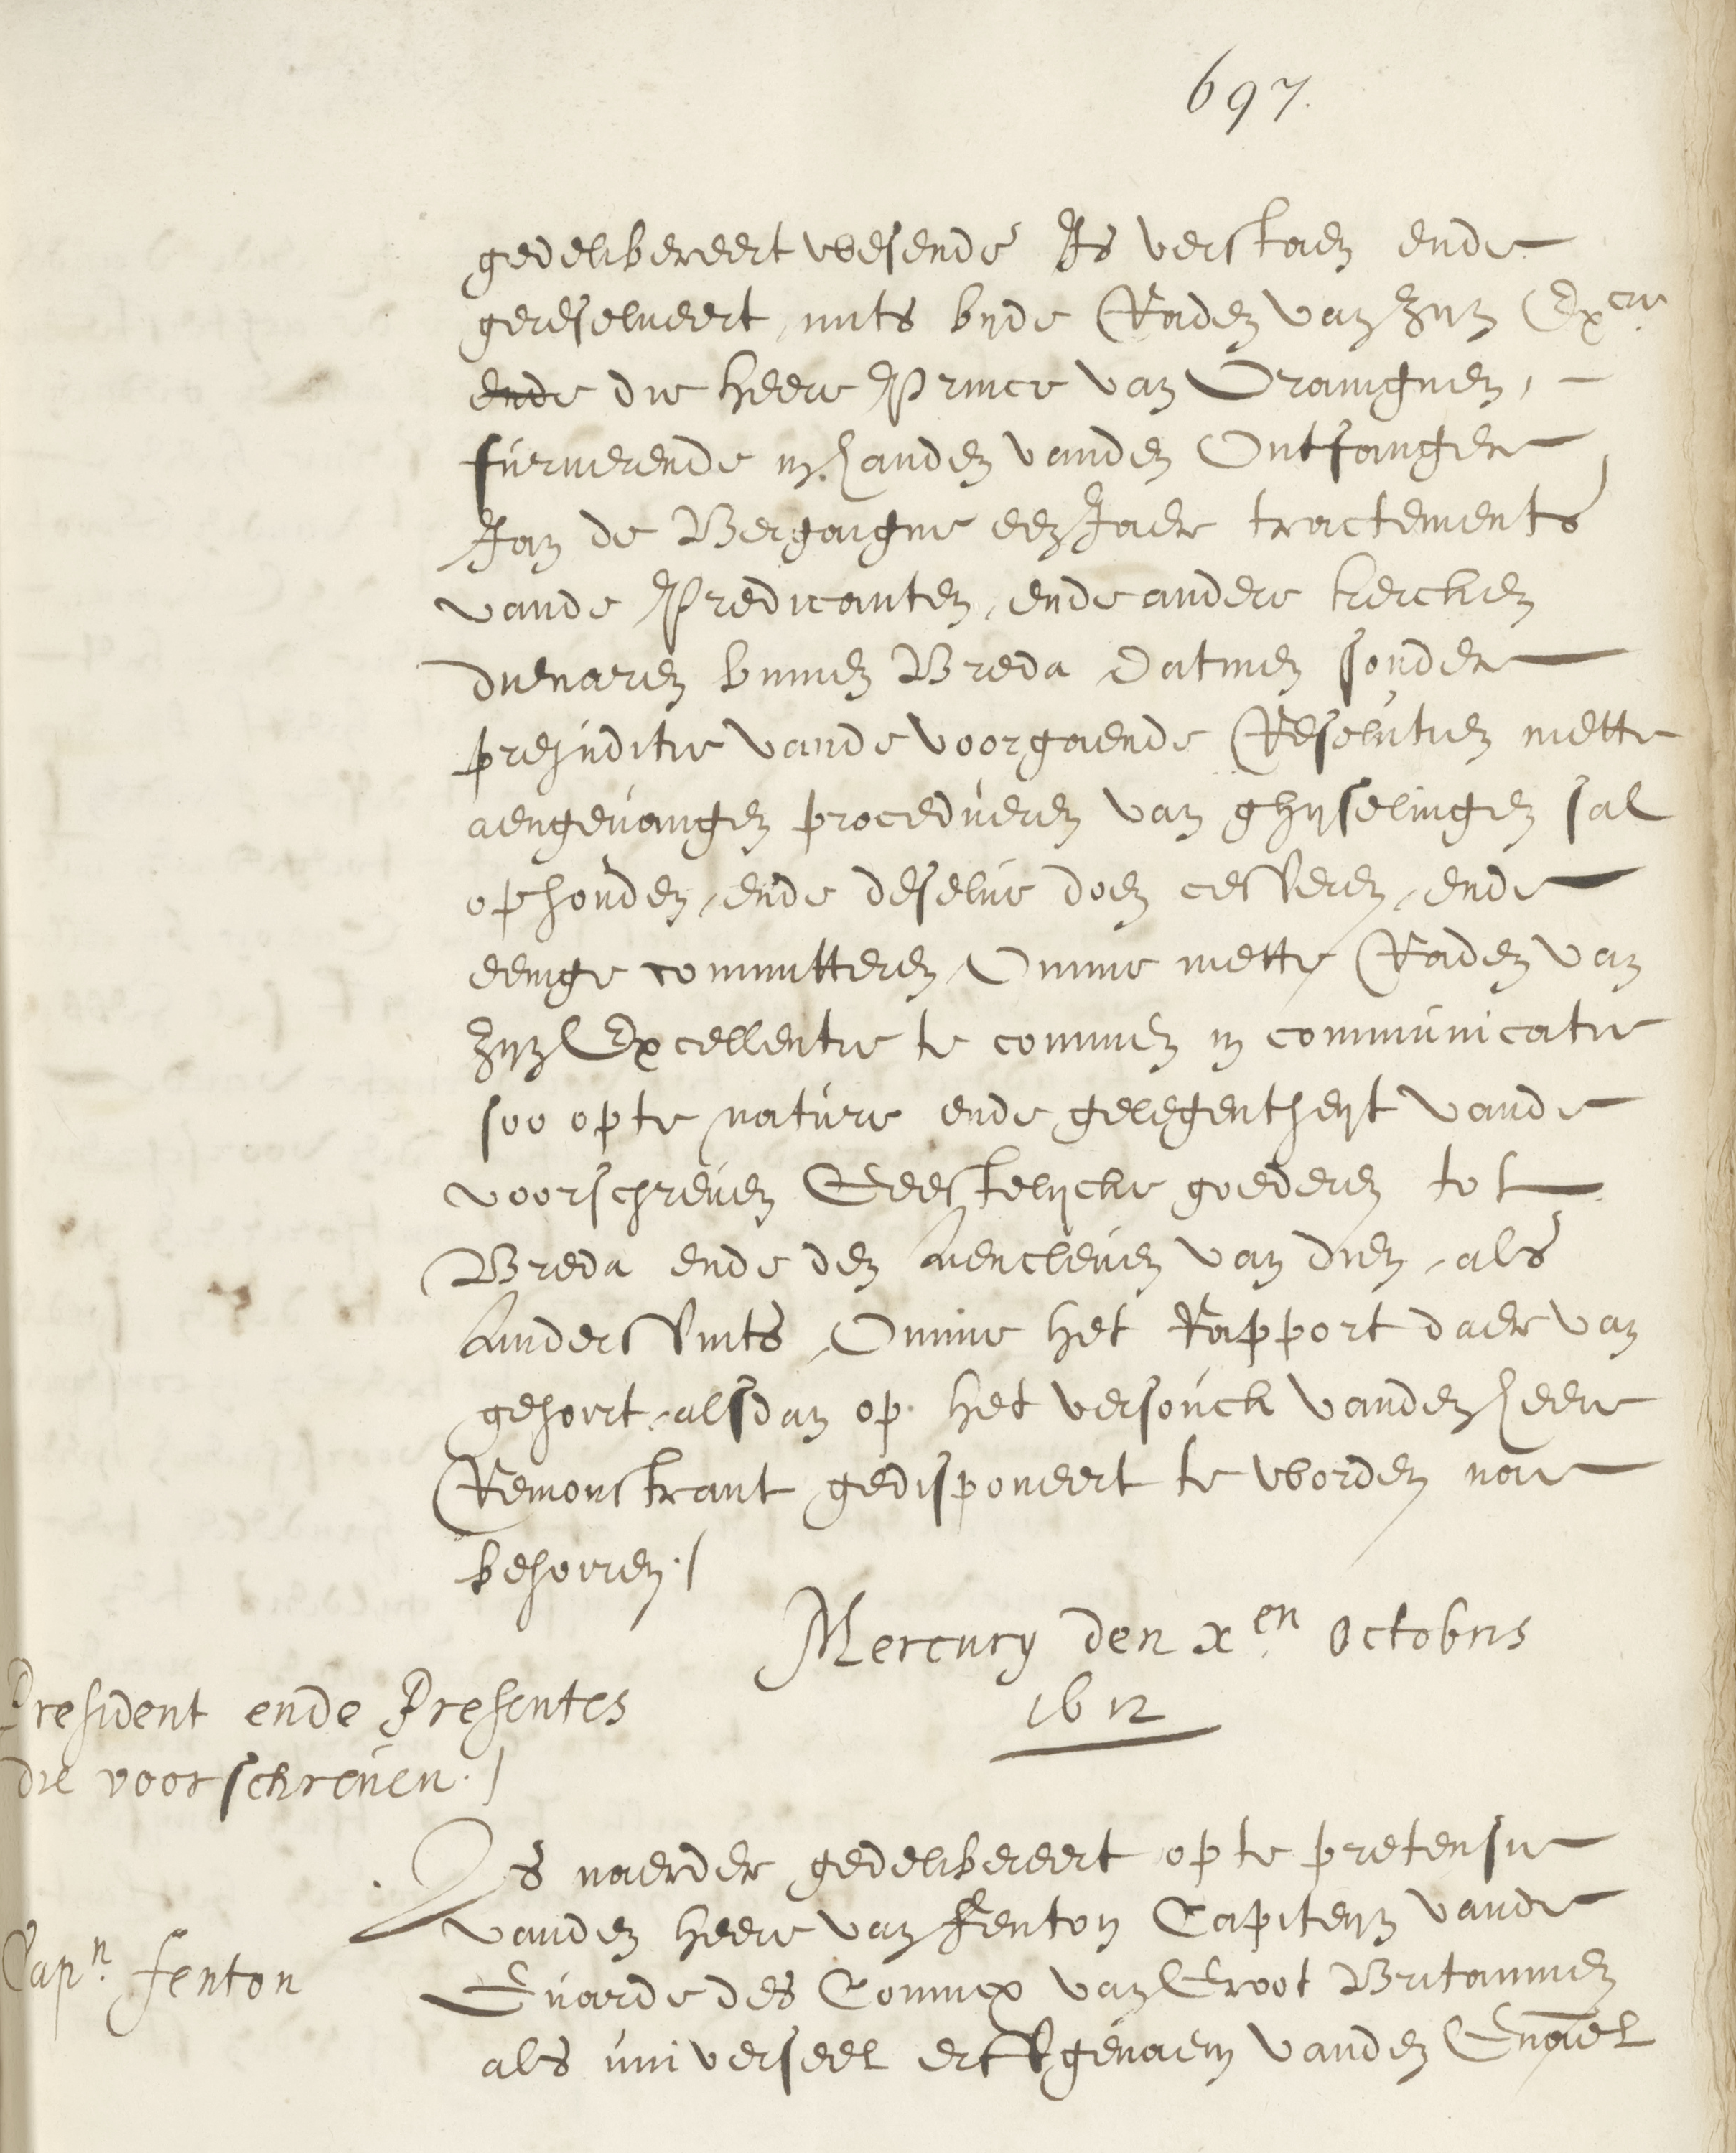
697.
gedelibereert wesende Is verstaen ende
geresolueert, mits byde Raden van Zyn Excie.
ende die heere Prince van Oraingnen, -
furnerende in handen vanden Ontfanger
Jan de Bergaigne een Jaer tractements
vande Predicanten, ende andere kercken
dienaren binnen Breda, datmen sonder
prejuditie vande voorgaende Resolutien mette
aengeuangen procedueren van ghyselingen sal
ophouden, ende deselue doen cesseren, ende
eenige committeren, Omme mette Raden van
Zyn Excellentie te commen in communicatie
soo opte nature ende gelegentheyt vande
voorschreuen Geestelycke goederen tot
Breda ende den Aencleuen van dien, als
Anderssints, Omme het Rapport daervan
gehoirt, alsdan op het versouck vanden heere
Remonstrant gedisponeert te worden nae
behoiren.
Mercury den xen. octobris
1612
President ende Presentes
die voorschreuen
Capn. Fenton
Is naerder gedelibereert opte pretensie
vanden heere van Fenton Capiteyn vande
Guarde des Conincx van Groot Britannien
als universeel erffgenaem vanden Gnael
